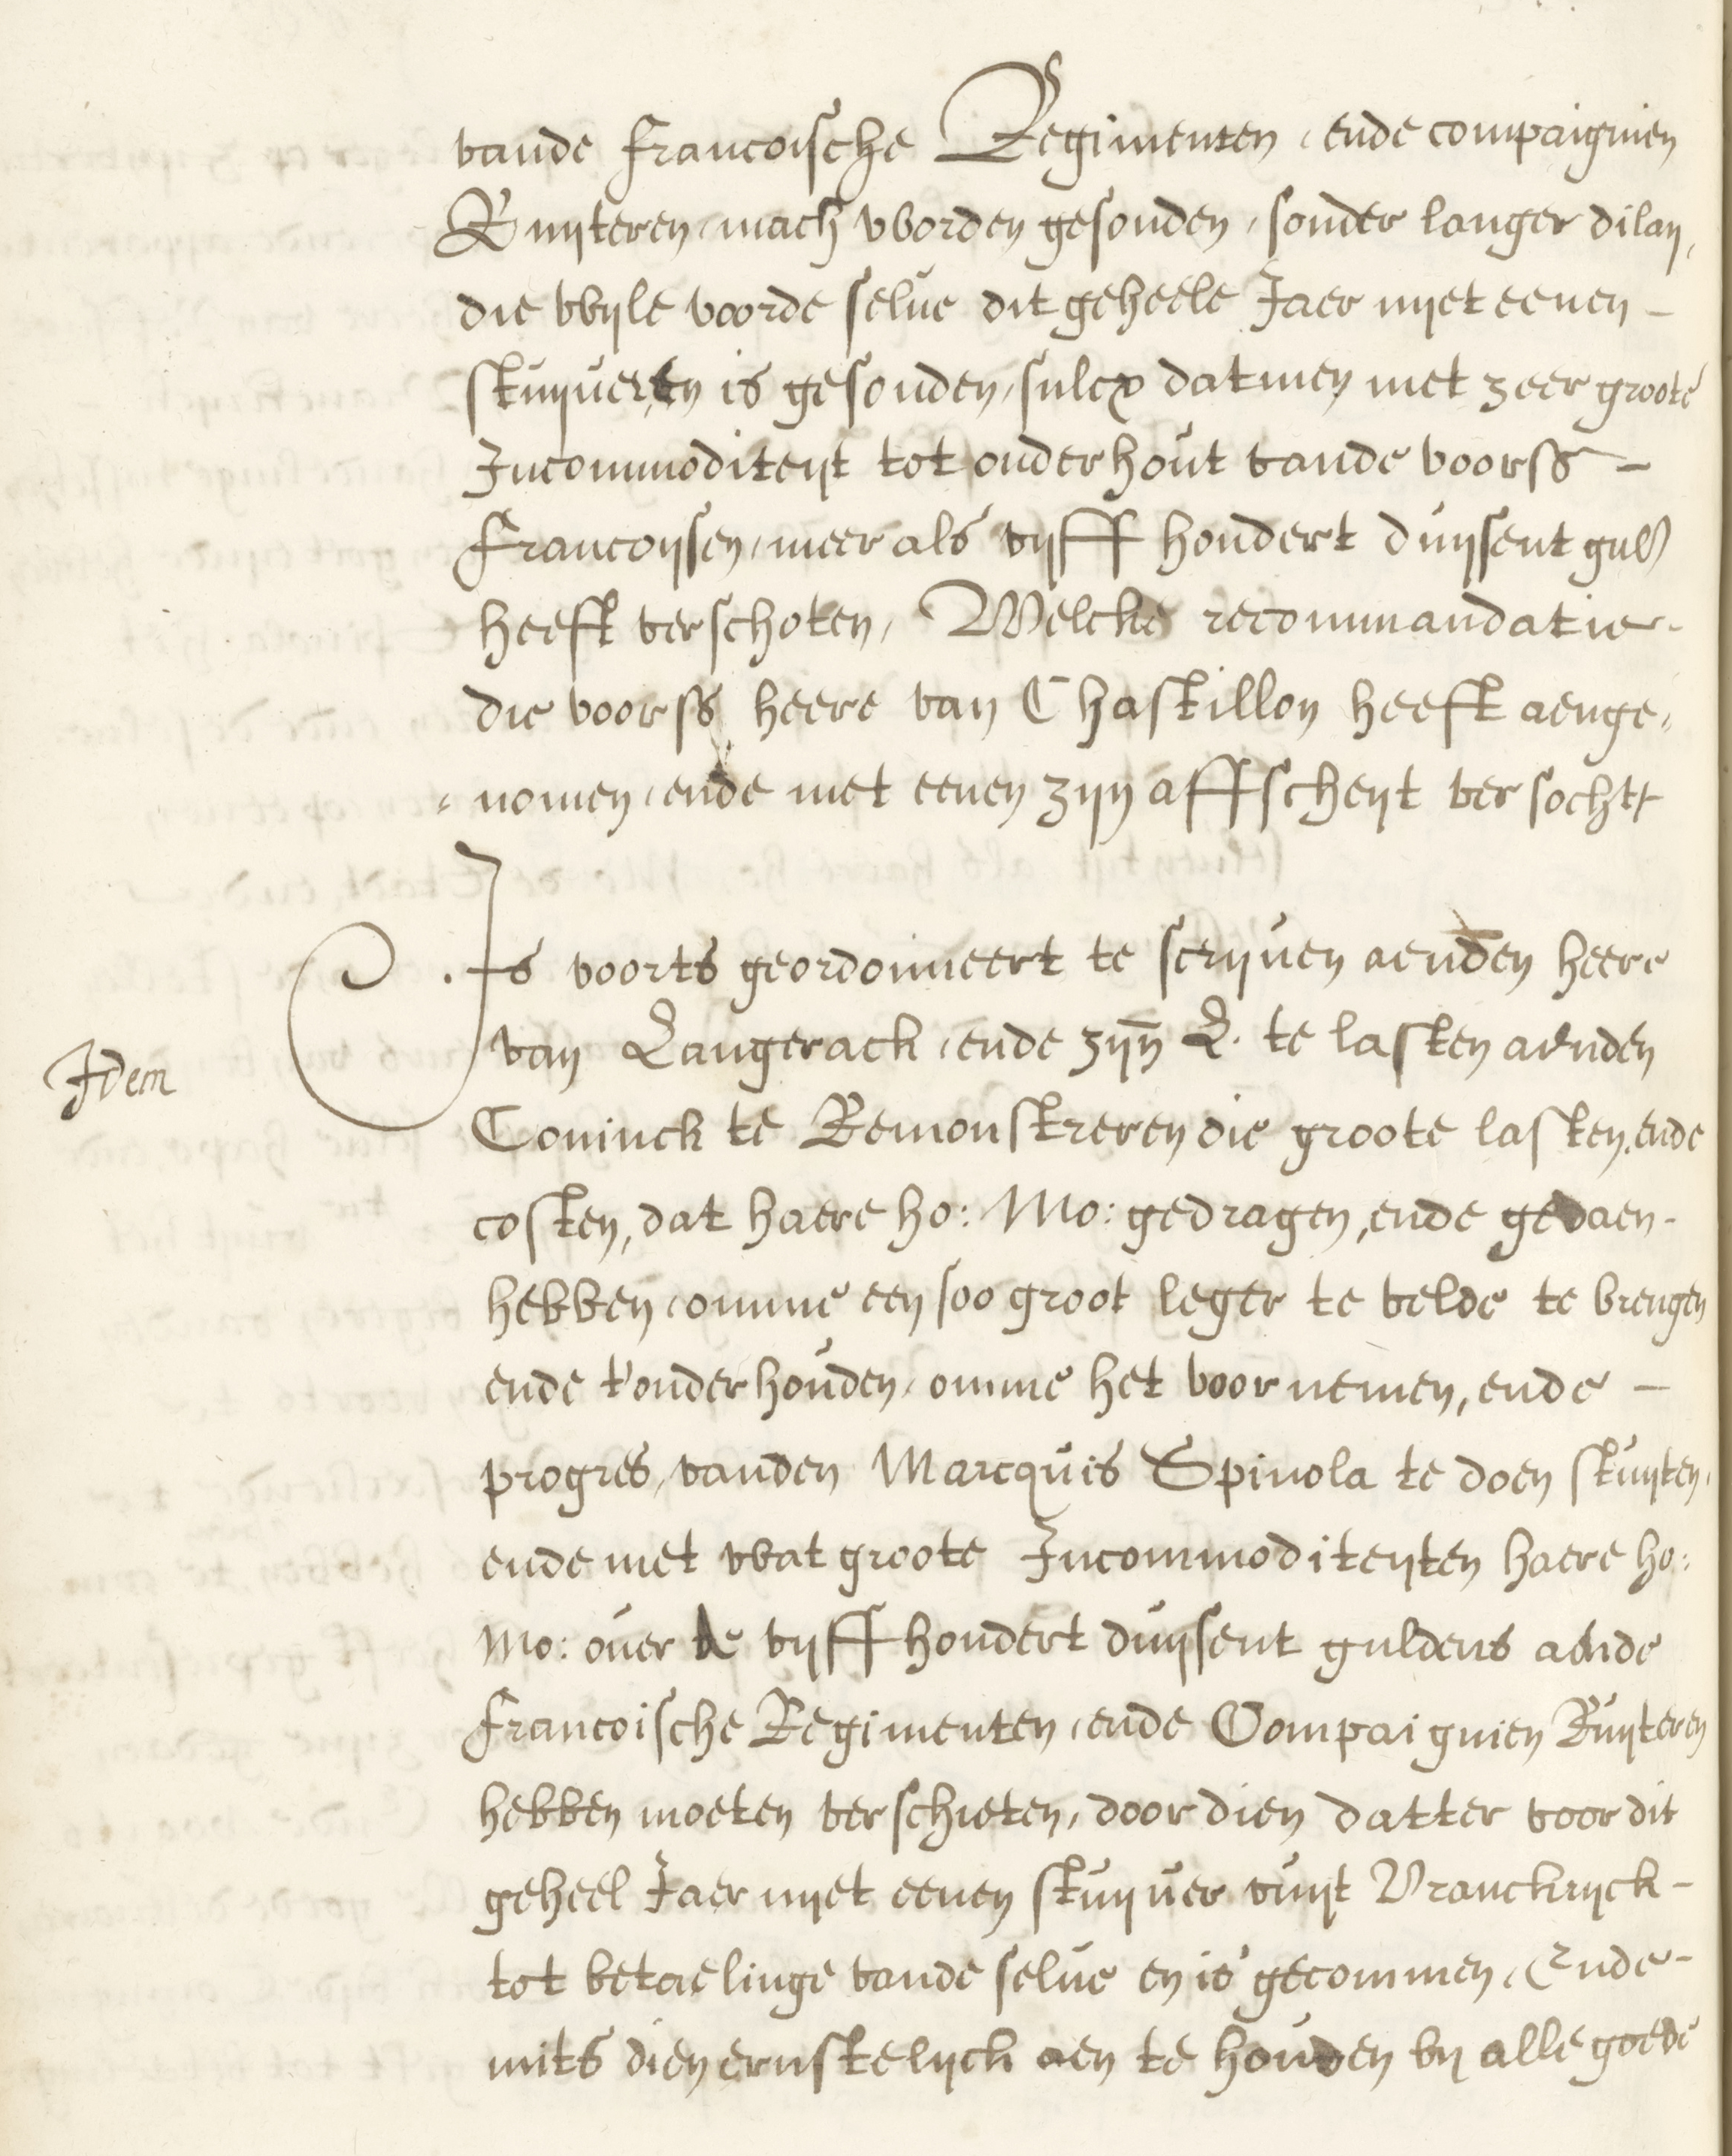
vande Francoische Regimenten, ende compaignien
Ruyteren mach worden gesonden, sonder langer dilay,
die wyle voorde selue dit geheele Jaer nyet eenen
stuyueren is gesonden, sulcx datmen met zeer groote
Incommoditeyt tot onderhout vande voors -
Francoysen meer als vyff hondert duysent gul
heeft verschoten. Welcke recommandatie
die voors heere van Chastillon heeft aenge„
nomen ende met eenen zyn affscheyt versocht
Idem
Is voorts geordonneert te scryuen aenden heere
van Langerack ende zyn L. te lasten aenden
Coninck te Remonstreren die groote lasten ende
costen, dat haere Ho:Mo: gedragen, ende gedaen
hebben omme een soo groot leger te velde te brengen
ende t'onderhouden, omme het voornemen, ende
progres vanden Marcques Spinola te doen stuyten
ende met wat groote Incommoditeyten haere Ho:
Mo: over de vyff hondert duysent guldens aende
Francoische Regimenten, ende Compaignien Ruyteren
hebben moeten verschieten, door dien datter voor dit
geheel Jaer nyet eenen stuyuer vuyt Vranckryck
tot betaelinge vande selue en is gecommen. Ende
mits dien ernstelyck aen te houden by alle goede
